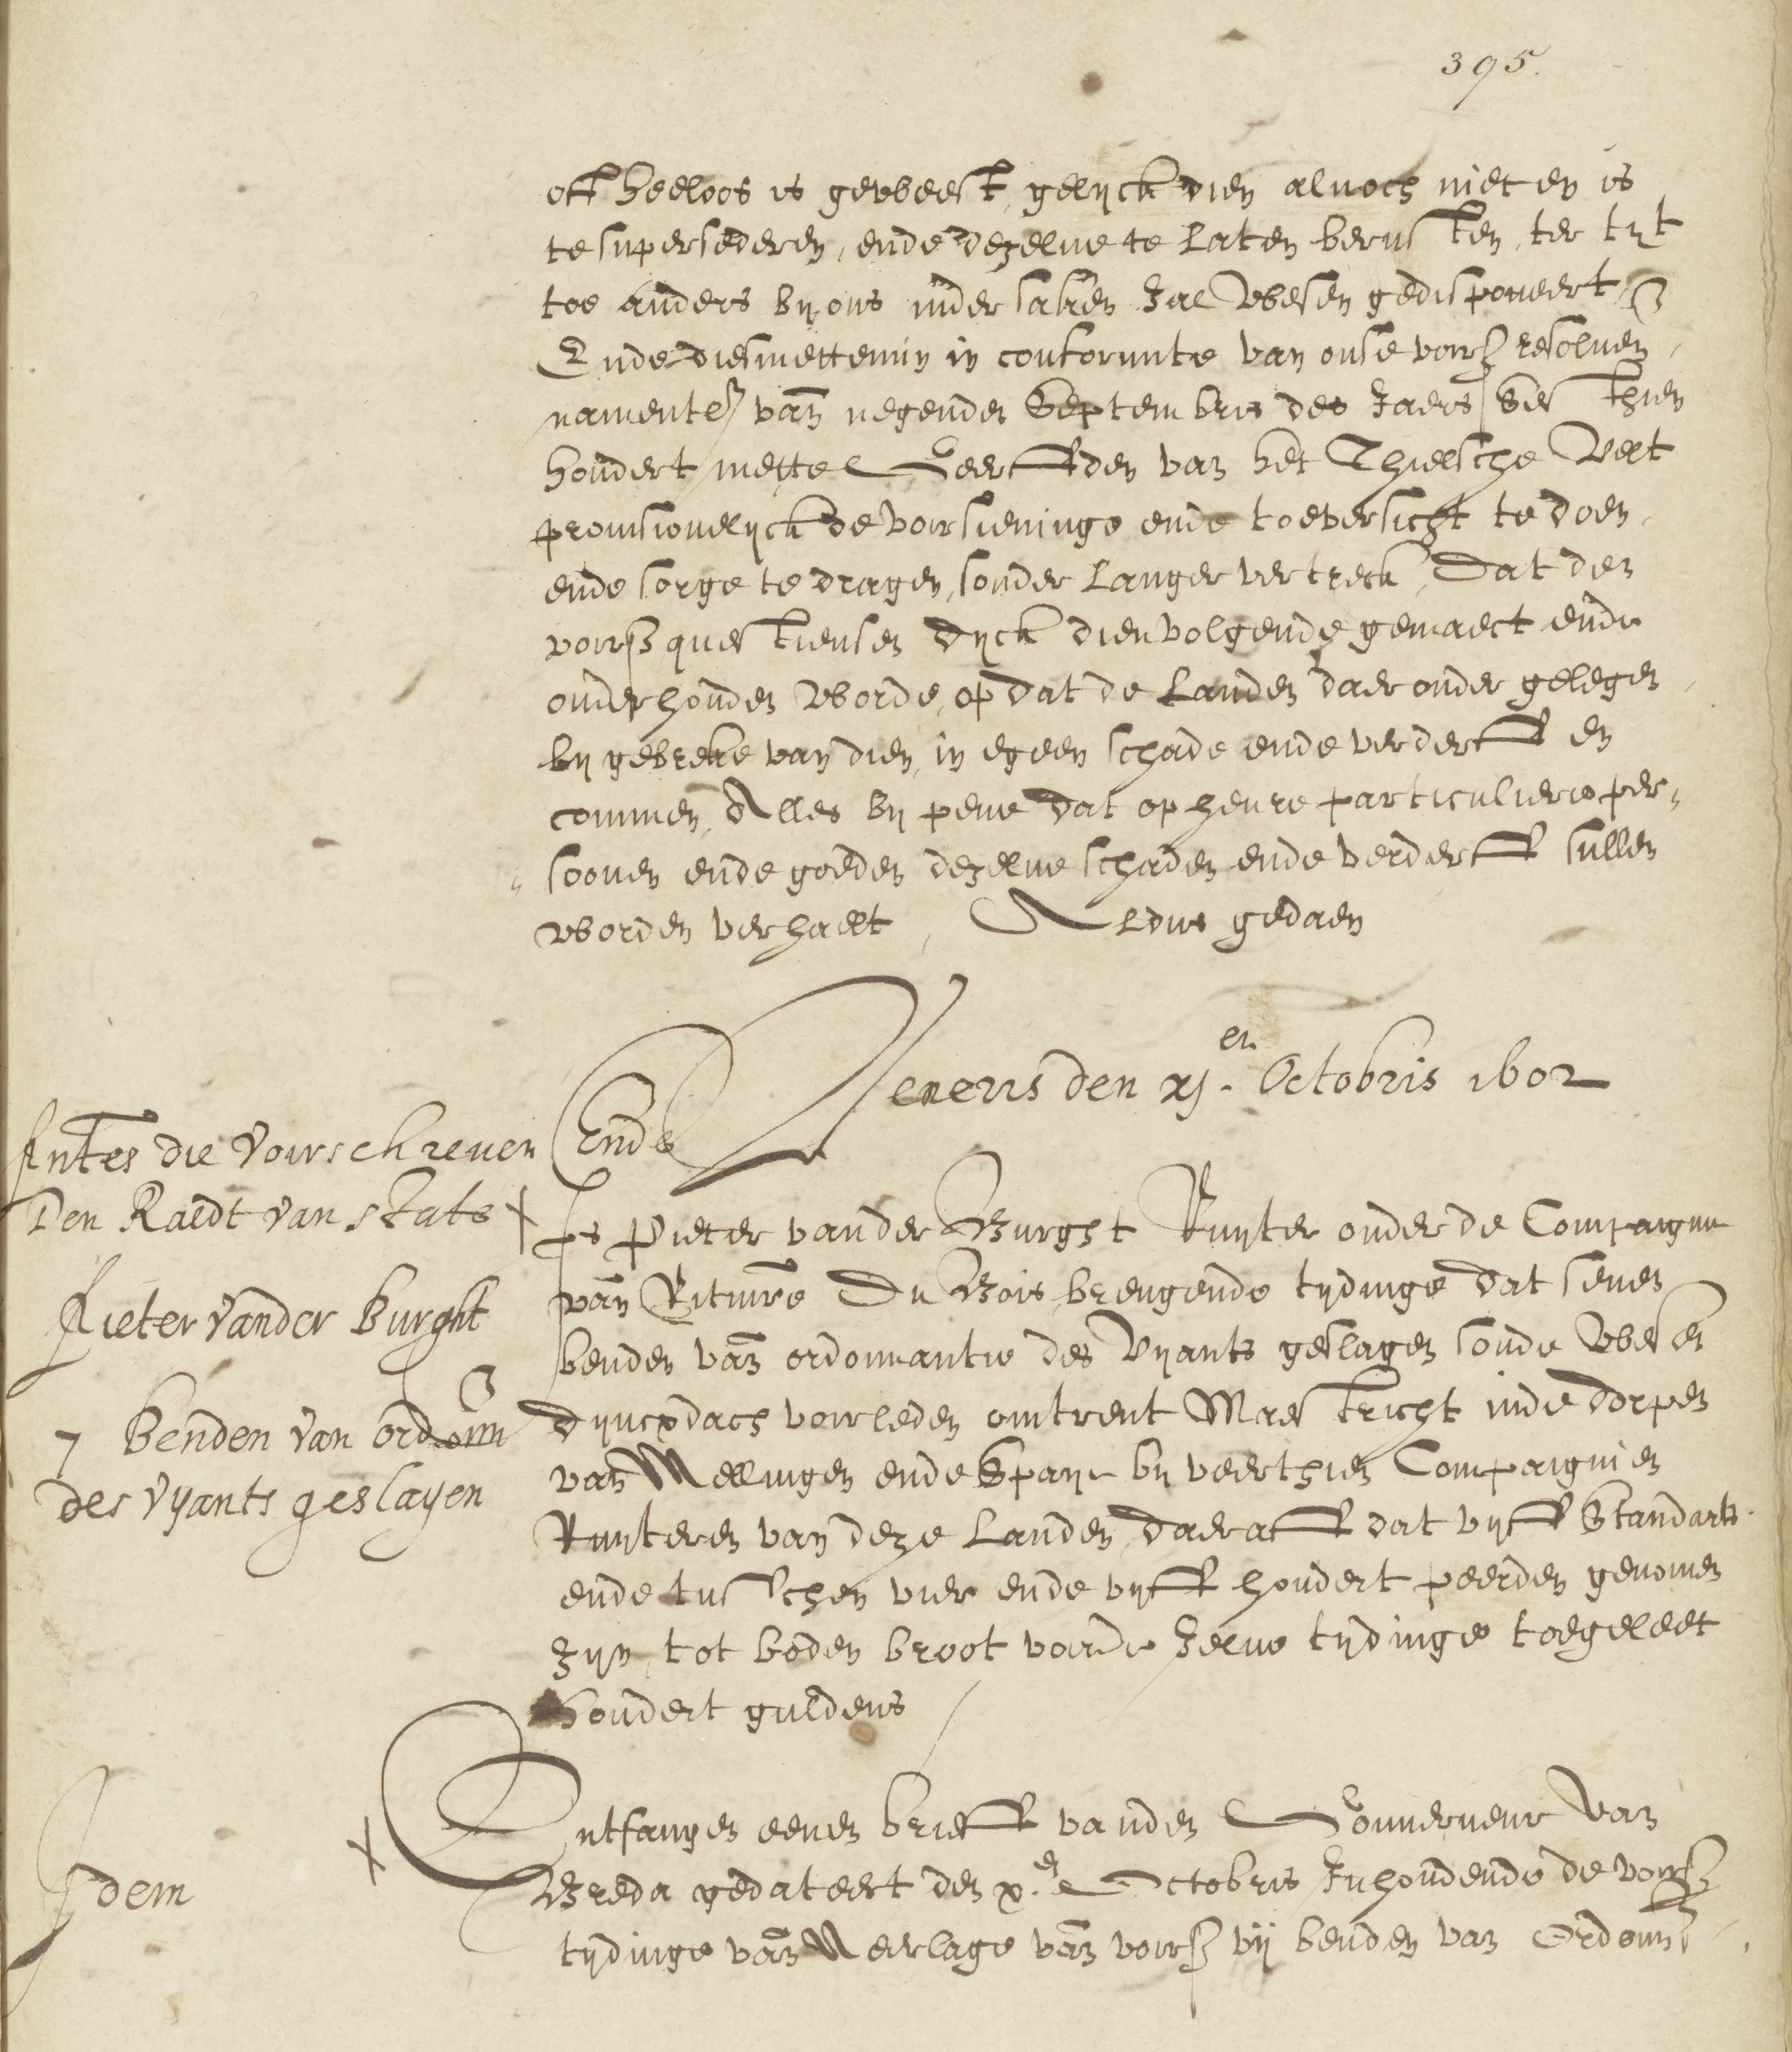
395.
off heeloos is geweest, gelyck dien alnoch niet en is
te supersederen, ende deselue te laten berusten, ter tyt
toe anders by ons inder saken zal wesen gedisponeert,
Ende diesniettemin in conformité van onse voirs resoluen,
namentl van negenden Septembris des Jaers Sesthien
hondert mette Geerffden van het Thielsche Velt
prouisionelyck de voirsieninge ende toeversicht te doen
ende sorge te dragen, sonder langer vertreck, dat den
voirs questieusen dyck dienvolgende gemaect ende
onderhouden worde op dat de landen daer onder gelegen
by gebreke van dien in egeen schade ende verderff en
commen. Alles by pene dat op heure particuliere per„
,soonen ende goeden dezelue schaden ende verderff sullen
worden verhaelt. Aldus gedaen
Veneris den xjen. Octobris 1602
Pntes die voirschreven Ende
Den Raedt van State
Pieter vander Burght
7 Benden van Ordonn
der Vyants geslagen
Is Pieter van der Burght Ruyter onder de Compaignie
van Ritmre Du Bois, brengende tydinge dat seuen
benden van ordonnantie des vyants geslagen soude wesen
Dyncxdach voirleden omtrent Maestricht inde dorpen
van Mellingen ende Spaye by veerthien Compaignien
Ruyteren van deze landen, daeraff dat vyff Standarts
ende tusschen vier ende vyff hondert peerden genomen
zyn tot boden broot voirde selue tydinge toegeleet
hondert guldens.
Idem
Ontfangen eenen brieff vanden Gouuerneur van
Breda gedateert den xen. Octobris inhoudende de voirs
tydinge van Neerlage van voirs vij benden van Ordonn„
